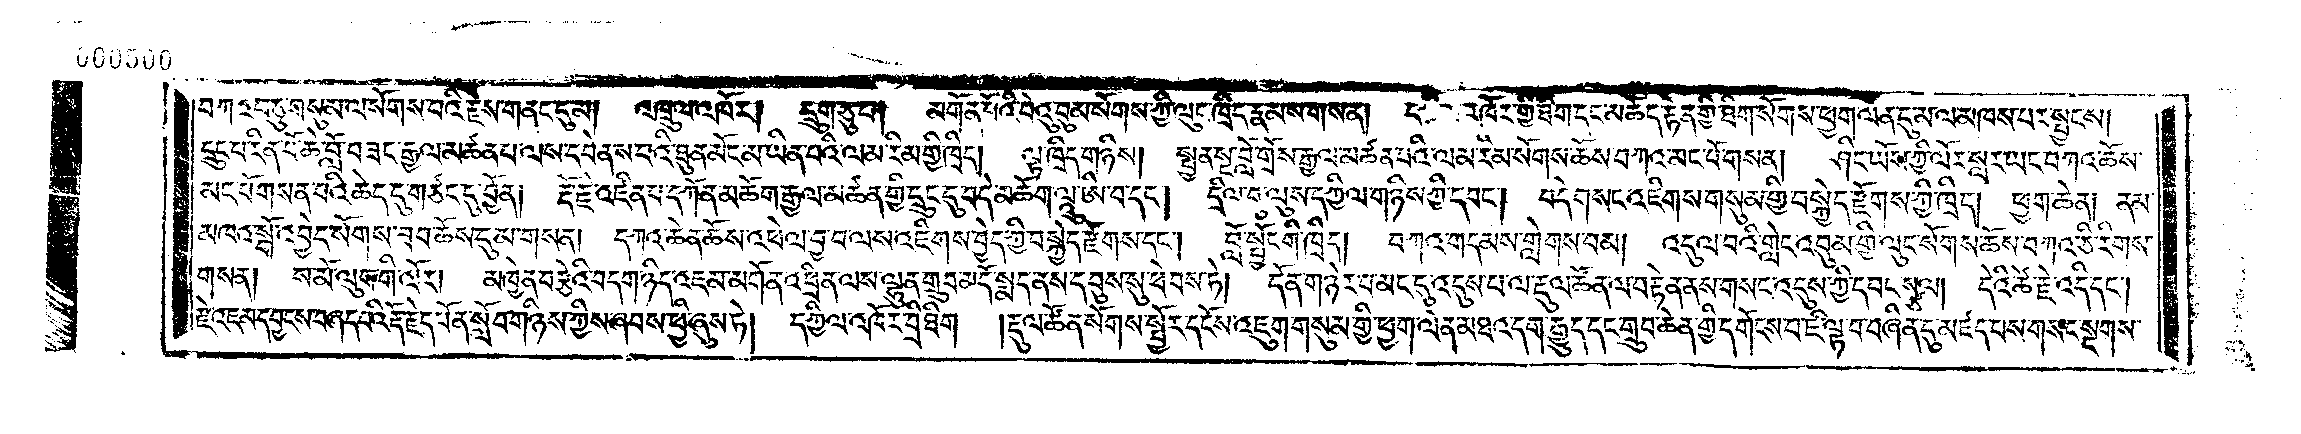བཀའ་བཅུ་གསུམ་ལ་སོགས་པའི་རྗེས་གནང་དུ་མ། འཁྲུལ་འཁོར། དྲུག་ཅུ་པ། མགོན་པོའི་བེའུ་བུམ་སོགས་ཀྱི་ལུང་ཁྲིད་རྣམས་གསན། དཀྱིལ་འཁོར་གྱི་ཐིག་དང་མཆོད་རྟེན་གྱི་ཐིག་སོགས་ཕྱག་ལེན་དུ་མ་ལ་མཁས་པར་སྦྱངས།
དྲུང་པ་རིན་པོ་ཆེ་བློ་བཟང་རྒྱལ་མཚན་པ་ལས་དབེན་ས་པའི་ཐུན་མོང་མ་ཡིན་པའི་ལམ་རིམ་གྱི་ཁྲིད། ལྟ་ཁྲིད་གཉིས། སྤྱན་སྔ་བློ་གྲོས་རྒྱལ་མཚན་པའི་ལམ་རིམ་སོགས་ཆོས་བཀའ་མང་པོ་གསན། ཤིང་ཡོས་ཀྱི་ལོར་སླར་ཡང་བཀའ་ཆོས་
མང་པོ་གསན་པའི་ཆེད་དུ་གཙང་དུ་བྱོན། རྡོ་རྗེ་འཛིན་པ་དཀོན་མཆོག་རྒྱལ་མཚན་གྱི་དྲུང་དུ་བདེ་མཆོག་ལཱུ་ཨི་བ་དང་། དྲིལ་བུ་ལུས་དཀྱིལ་གཉིས་ཀྱི་དབང་། བདེ་གསང་འཇིགས་གསུམ་གྱི་བསྐྱེད་རྫོགས་ཀྱི་ཁྲིད། ཕྱག་ཆེན། ནམ་
མཁའ་སྒོ་འབྱེད་སོགས་ཟབ་ཆོས་དུ་མ་གསན། དཀའ་ཆེན་ཆོས་འཕེལ་བྱ་བ་ལས་འཇིགས་བྱེད་ཀྱི་བསྐྱེད་རྫོགས་དང་། བློ་སྦྱོང་གི་ཁྲིད། བཀའ་གདམས་གླེགས་བམ། འདུལ་བའི་གླེང་འབུམ་གྱི་ལུང་སོགས་ཆོས་བཀའ་ཅི་རིགས་
གསན། ས་མོ་ལུག་གི་ལོར། མཁྱེན་བརྩེའི་བདག་ཉིད་འཇམ་མགོན་འཕྲིན་ལས་ལྷུན་གྲུབ་མདོ་སྨད་ནས་དབུས་སུ་ཕེབས་ཏེ། དོན་གཉེར་བ་མང་དུ་འདུས་པ་ལ་རྡུལ་ཚོན་ལ་བརྟེན་ནས་གསང་འདུས་ཀྱི་དབང་སྩལ། དེའི་ཚེ་རྗེ་འདི་དང་།
རྗེ་འཇམ་དབྱངས་བཞད་པའི་རྡོ་རྗེ་དཔོན་སློབ་གཉིས་ཀྱིས་ཞབས་ཕྱི་ཞུས་ཏེ། དཀྱིལ་འཁོར་བྲི་ཐིག །རྡུལ་ཚོན་སོགས་སྦྱོར་དངོས་འཇུག་གསུམ་གྱི་ཕྱག་ལེན་མཐའ་དག་རྒྱུད་དང་གྲུབ་ཆེན་གྱི་དགོངས་བ་ཇི་ལྟ་བ་བཞིན་དུ་མཛད་པས་གསང་སྔགས་